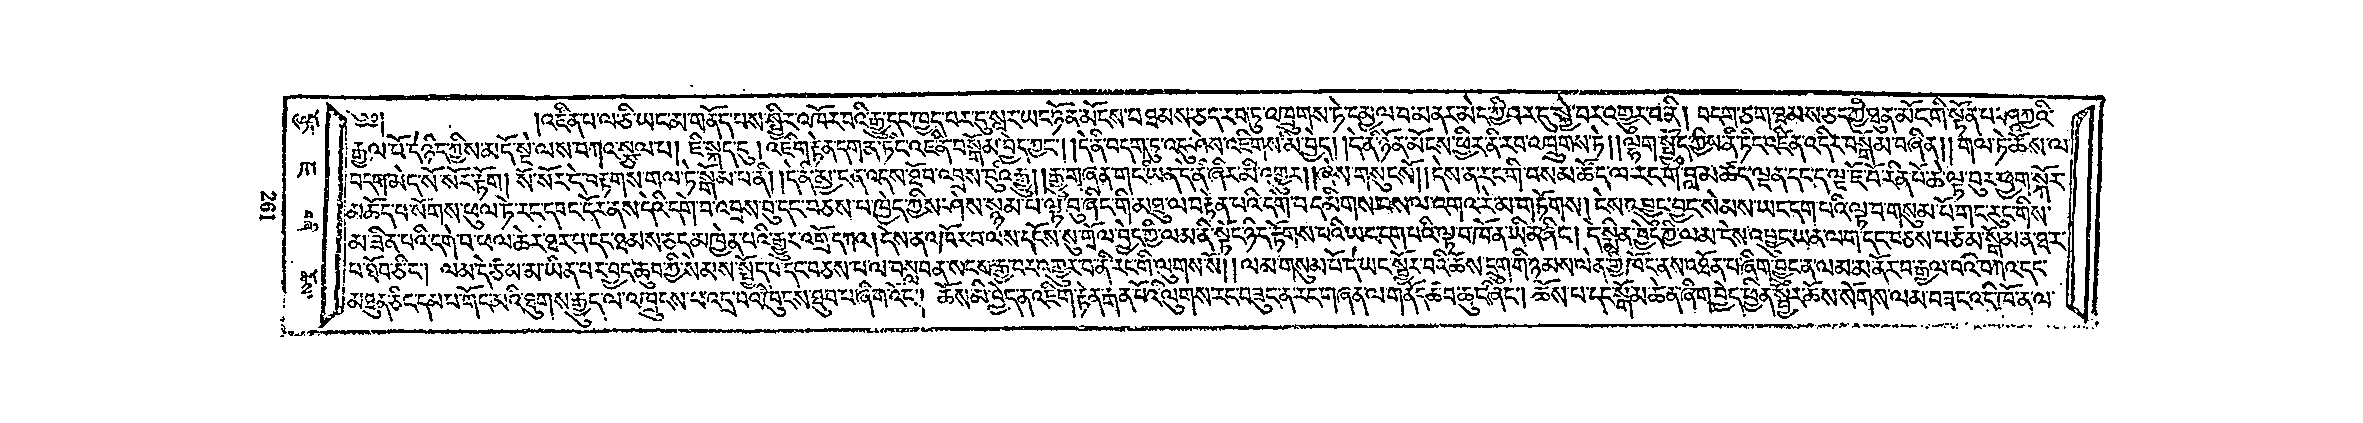༄༅། །འཛིན་པ་ལ་ཅི་ཡང་མ་གནོད་པས་སྤྱིར་འཁོར་བའི་རྒྱུ་དང་ཁྱད་པར་དུ་སླར་ཡང་ཉོན་མོངས་པ་ཐམས་ཅད་རབ་ཏུ་འཁྲུགས་ཏེ་དམྱལ་བ་མནར་མེད་ཀྱི་བར་དུ་སྐྱེ་བར་འགྱུར་བ་ནི། བདག་ཅག་ཐམས་ཅད་ཀྱི་ཐུན་མོང་གི་སྟོན་པ་ཤཱཀྱའི་
རྒྱལ་པོ་དེ་ཉིད་ཀྱིས་མདོ་སྡེ་ལས་བཀའ་སྩལ་པ། ཇི་སྐད་དུ། འཇིག་རྟེན་དག་ན་ཏིང་འཛིན་བསྒོམ་བྱེད་ཀྱང་། །དེ་ནི་བདག་ཏུ་འདུ་ཤེས་འཇིགས་མི་བྱེད། །དེ་ནི་ཉོན་མོངས་ཕྱིར་ནི་རབ་འཁྲུགས་ཏེ། །ལྷག་སྤྱོད་ཀྱིས་ནི་ཏིང་འཛིན་འདིར་བསྒོམ་བཞིན། །གལ་ཏེ་ཆོས་ལ་
བདག་མེད་སོ་སོར་རྟོག །སོ་སོར་དེ་བརྟགས་གལ་ཏེ་སྒོམ་པ་ནི། །དེ་ནི་མྱ་ངན་འདས་ཐོབ་འབྲས་བུའི་རྒྱུ། །རྒྱུ་གཞན་གང་ཡིན་དེ་ནི་ཞིར་མི་འགྱུར། །ཞེས་གསུངས་སོ། །དེས་ན་རང་གི་བསམ་ཚོད་ལ་རང་གི་བླ་མ་ཚད་ལྡན་དང་ད་ལྟ་ཇོ་བོ་རིན་པོ་ཆེ་ལྟ་བུར་ཕྱག་སྐོར་
མཆོད་པ་སོགས་ཕུལ་ཏེ་རང་དབང་དོར་ནས་དེའི་དགེ་བ་འབྲས་བུ་དང་བཅས་པ་ཁྱེད་ཀྱིས་ཤེས་སྙམ་པ་ལྟ་བུ་ཞིག་གི་མཐུ་ལ་བརྟེན་པའི་དགེ་བ་དམིགས་པས་ལ་འགའ་རེ་མ་གཏོགས། ངེས་འབྱུང་བྱང་སེམས་ཡང་དག་པའི་ལྟ་བ་གསུམ་པོ་གང་རུང་གིས་
མ་ཟིན་པའི་དགེ་བ་ཕལ་ཆེར་ཐར་པ་དང་ཐམས་ཅད་མཁྱེན་པའི་རྒྱུར་འགྲོ་དཀའ། དེས་ན་འཁོར་བ་ལས་དངོས་སུ་གྲོལ་བྱེད་ཀྱི་ལམ་ནི་སྟོང་ཉིད་རྟོགས་པའི་ཡང་དག་པའི་ལྟ་བ་ཁོ་ན་ཡིན་ཞིང་། དེ་སྨིན་བྱེད་ཀྱི་ལམ་ངེས་འབྱུང་ཡན་ལག་དང་བཅས་པ་ཙམ་སྒོམ་ན་ཐར་
པ་ཐོབ་ཅིང་། ལམ་དེ་ཙམ་མ་ཡིན་པར་བྱང་ཆུབ་ཀྱི་སེམས་སྤྱོད་པ་དང་བཅས་པ་ལ་བསླབ་ན་སངས་རྒྱ་བར་འགྱུར་བ་ནི་རང་གི་ལུགས་སོ། །ལམ་གསུམ་པོ་དེ་ཡང་སྦྱོར་བའི་ཆོས་དྲུག་གི་ཉམས་ལེན་གྱི་ཁོང་ནས་འཐོན་པ་ཞིག་བྱུང་ན་ལམ་མ་ནོར་བ་རྒྱལ་བའི་བཀའ་དང་
མཐུན་ཅིང་དམ་པ་གོང་མའི་ཐུགས་རྒྱུད་ལ་འཁྲུངས་པ་འདྲ་བའི་ཁུངས་ཐུབ་པ་ཞིག་འོང་། ཆོས་མི་བྱེད་ན་འཇིག་རྟེན་རྒན་པོའི་ལུགས་རང་བཟུང་ན་རང་གཞན་ལ་གནོད་ཚབ་ཆུང་ཞིང་། ཆོས་པ་དང་སྒོམ་ཆེན་ཞིག་བྱེད་ཕྱིན་སྦྱོར་ཆོས་སོགས་ལམ་བཟང་འདི་ཁོ་ན་ལ་